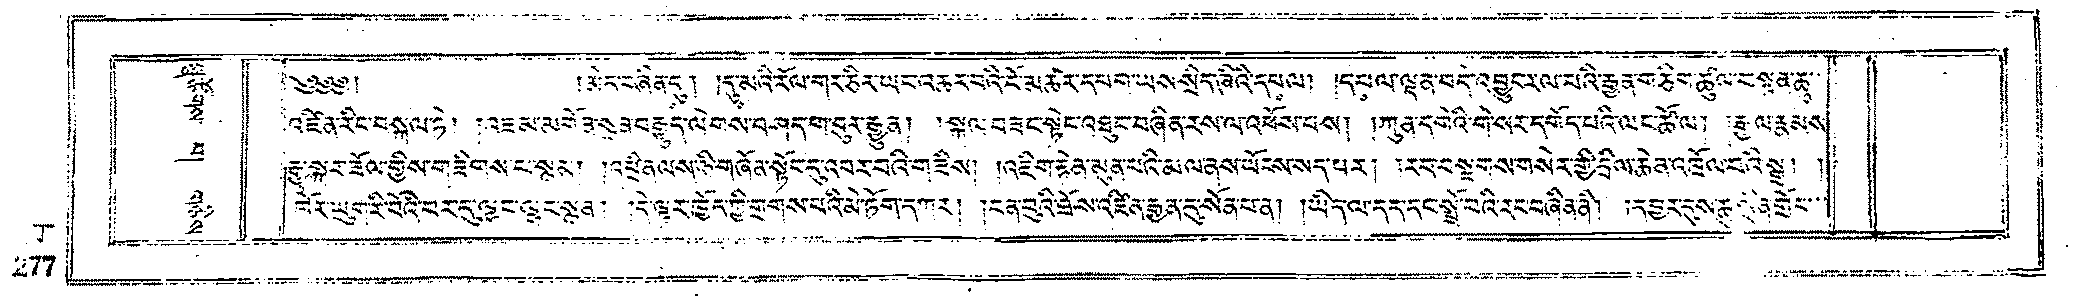༄༅༅། །མེད་བཞིན་དུ྾། །དུ྾་མའི་རོལ་གར་ཅིར་ཡང་འཆར་བའི་ངོ་མཚར་དཔག་ཡས་སྲིད་ཞིའི་དཔལ྾། །དཔལ྾་ལྡན་བདེ་འབྱུང་རལ་པའི་རྒྱན་གཅིག་ཚུལ་བསྟན་ཆུ་་་
འཛིན་རིང་བསྐལ་ཏེ། །འཇམ་མགོན་སྙན་བརྒྱུད་ལེགས་བཤད་ག་བུར་རྒྱུན། །སྐལ་བཟང་སྟེང་འཐུང་བཞིན་རས་ལ་འཕོས་པས། །ཀུན་དགེའི་གེ་སར་དགོད་པའི་ལང་ཚོལ། །རྒྱལ་རྣམས་
རྒྱུ་སྐར་ཟོལ་གྱིས་གཟིགས་པ་སྙམ། །འཕྲིན་ལས་ཉི་གཞོན་སྟོང་དུ་འབར་བའི་གཟིས། །འཇིག་རྟེན་མུན་པའི་མལ་ནས་ཡོངས་སད་པར། །རབ་བསྔགས་གསེར་གྱི་དྲིལ་ཆེན་འཁྲོལ་བའི་སྒྲ། །
ཁོར་ཡུག་རི་བོའི་བར་དུ་ལྷང་ལྷང་སྙན། །དེ་ལྟར་ཁྱོད་ཀྱི་གྲགས་པའི་མེ་ཏོག་དཀར། །ངན་བུའི་ཐོས་འཛིན་རྒྱན་དུ་སོན་པ་ན། །ཡིད་ལ་དད་དང་སྤྲོ་བའི་རང་བཞིན་ནི། །དབྱར་དུས་ཆུ་སྲིན་གྲོང་་་